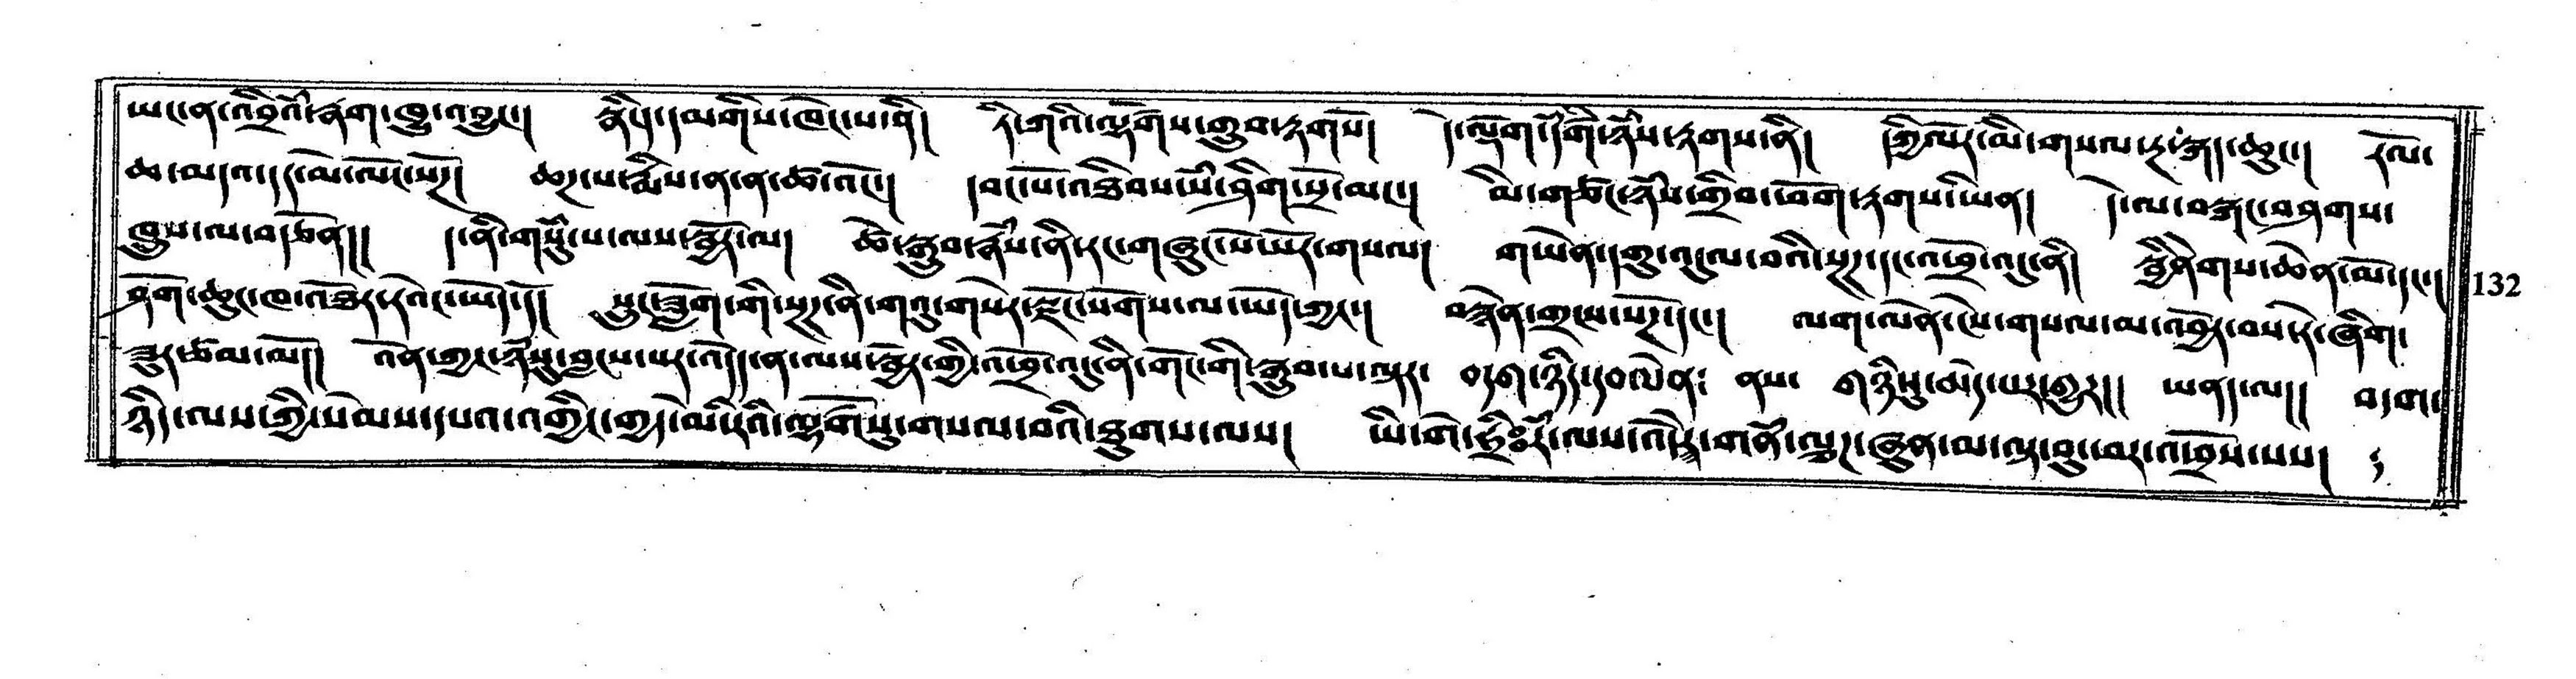ཡང་ན་འབྲིའམ་རྣག་ཁྱུ་འབྱུང་། སྣང་སྲིད་དམག་གིས་ཁེང་པ་ནི། ཏི་ཀའི་ལྷ་ཚོགས་གྲུབ་རྟགས་སོ། དེ་ལྡོག་དམ་ཚིག་ཉམས་རྟགས་ནི། དཀྱིལ་འཁོར་མི་གསལ་རྔ་སྐད་ཆུང་། རོལ་
ཆ་མདའ་དར་མེ་ལོང་སོགས། ཆགས་པ་རྨིས་ན་ན་ཚ་འོང་། དབང་པོ་འཐིབས་སམ་ཤིག་སྲོ་མང་། མི་གཙང་ཉམས་གྲིབ་ཕོག་རྟགས་ཡིན། དེ་ལ་བསྐང་བཤགས་
ཁྲུས་ལ་བརྩོན།། ད་ནི་གསུམ་པ་ལས་སྦྱོར་ལ། ཚེ་སྒྲུབ་རྣམས་ནི་རང་གཞུང་སོ་སོར་གསལ། གཡེན་དགུ་འདུལ་བའི་སྔགས་དང་འཕྲོ་འདུ་ནི། སྦྱིན་སྲེག་ཆེན་མོ་དང་། 
ཤོག་ཆུང་ཁ་འཐོར་རེའང་ཡོད་དོ། སྲུང་ཟློག་གི་སྔགས་ནི་གའུ་གསེར་རྫོང་སོགས་ལ་ཡོད་ཀྱང་། བསྙེན་གྲངས་སོགས་དང་། ལག་ལེན་ངེས་གསལ་མ་འབྱོར་བས་རེ་ཞིག་
ཟུར་ཙམ་མོ།། འོན་ཀྱང་ཉམས་སུ་བླངས་པར་འདོད་ན་ལས་སྦྱོར་གྱི་འཕྲོ་འདུ་ནི་གོང་གི་སྒྲུབ་པ་ལྟར། བདག་ཉིད་དབལ་ཆེན༴ ནས་གཉིས་སུ་མེད་པར་གྱུར།། ཡན་ཆད་ལ།། བདག་
ཉིད་ལས་ཀྱི་སེམས་དཔའ་འགྱིང་གྱད་མེ་རིའི་ལྷ་ཚོགས་སུ་གསལ་བའི་ཐུགས་ལས། ཡི་གེ་ཧྲིཿརཾ་ལས་འོད་ཟེར་གནམ་ལྕགས་ཞུན་མ་ལྟ་བུ་ཕར་འཕྲོས་པས།